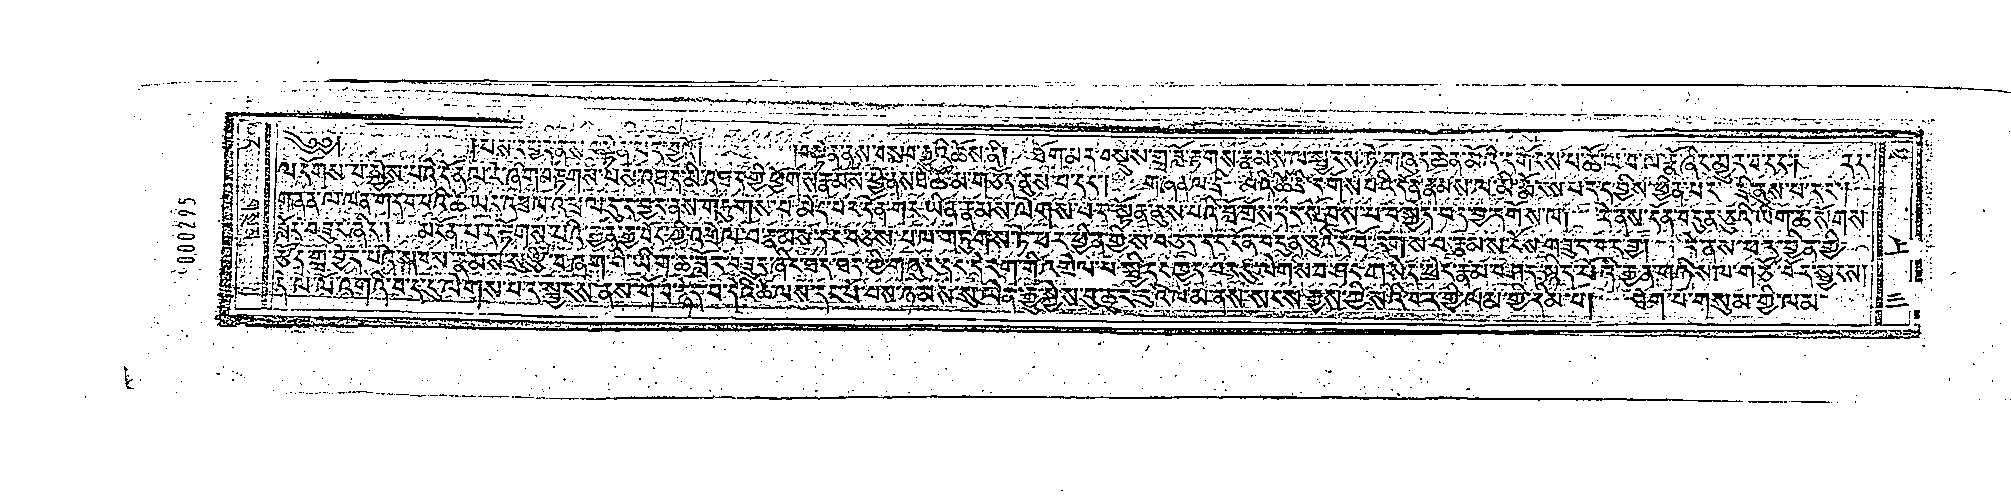༄༅། །པས་དཔྱད་ནས་བསྟེན་པར་བྱའོ། །བསྟེན་ནས་བསླབ་རྒྱུའི་ཆོས་ནི། ཐོག་མར་བསྡུས་གྲྭ་བློ་རྟགས་རྣམས་ལ་སྦྱངས་ཏེ་གཞུང་ཆེན་མོའི་དགོངས་པ་ཚོ་ལ་བ་ལ་རྣོ་ཞིང་མྱུར་བ་དང་། རང་
པ་དོགས་པ་སྐྱེས་པའི་དོན་ལ་རེ་ཞིག་བརྟགས་པས་འཐད་མི་འཐད་གྱི་ཕྱོགས་རྣམས་ཕྱེ་ནས་ཐེ་ཚོམ་གཅོད་ནུས་པ་དང་། གཞན་ལ་དྲི་པའི་ཚེ་དྲི་དགོས་པའི་དོན་རྣམས་ལ་མི་རྨོངས་པར་དབྱིས་ཕྱིན་པར་དྲི་ནུས་པ་དང་།
གཞན་ལ་ལན་གདབ་པའི་ཚེ་ཡང་འཕྲལ་འཕྲལ་དུ་ད་བྱང་ནས་གཏུགས་པ་མེད་པར་དོན་གང་ཡིན་རྣམས་ལེགས་པར་སྟོན་ནུས་པའི་བློ་གྲོས་དང་སྤོབས་པ་བསྐྱེད་བར་བྱ་དགོས་ལ། དེ་ནས་དོན་བདུན་ཅུའི་ཡིག་ཆ་སོགས་
བློང་བཟུང་ཞིང་། མངོན་པར་རྟོགས་པའི་རྒྱན་རྒྱ་བོང་ཀྱི་འགྲེལ་བ་རྣམས་དང་བཅས་པ་ལ་གཏུགས་ཏེ་ཕར་ཕྱིན་གྱི་ས་བཅད་དང་དོན་བདུན་ཅུའི་ངོ་བོ་དགས་པ་རྣམས་ངོས་གཟུང་བར་བྱ། དེ་ནས་ཕར་ཕྱིན་གྱི་
རྩོད་གྲྭ་བྱེད་པའི་སྐབས་རྣམས་སུ་རྩི་བཞག་གི་ཡིག་ཆ་བློང་བཟུང་ཞིང་ཐང་ཐང་ཀྱི་གཞུང་དང་དེ་དག་གི་འགྲེལ་པ་སྤྱི་དང་ཁྱད་པར་དུ་ལེགས་བཤད་གསེར་ཕྲེང་རྣམ་བཤད་སྙིང་པོའི་རྒྱན་གཉིས་ལ་གཙོ་བོར་སྦྱངས།
དེ་ལ་ལོ་འགའི་བར་དུ་ལེགས་པར་སྦྱངས་ནས་གོ་བ་རྙེད་བ་དེའི་ཚེ་ལས་དང་པོ་པས་ཉམས་སུ་ལེན་རྒྱུ་སྐྱེས་བུ་ཆུང་ངུའི་ལམ་ནས་སངས་རྒྱས་ཀྱི་སའི་བར་གྱི་ལམ་གྱི་རིམ་པ། ཐེག་པ་གསུམ་གྱི་ལམ་